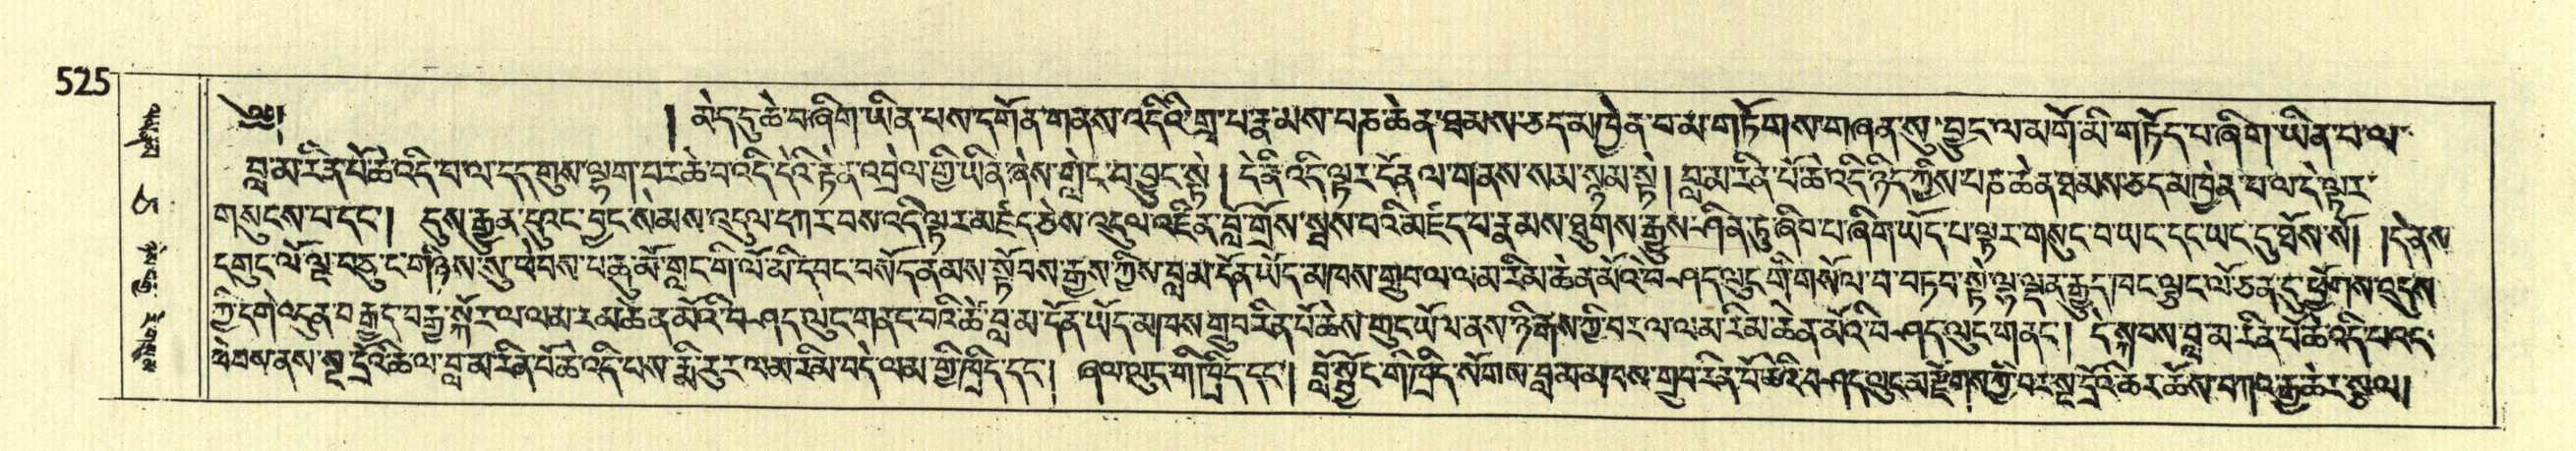༄༅། །མེད་དུ་ཆེ་བ་ཞིག་ཡིན་པས་དགོན་གནས་འདིའི་གྲྭ་པ་རྣམས་པཎ་ཆེན་ཐམས་ཅད་མཁྱེན་པ་མ་གཏོགས་གཞན་སུ་བྱུང་ལ་མགོ་མི་གཏོད་པ་ཞིག་ཡིན་པ་ལ་
བླ་མ་རིན་པོ་ཆེ་འདི་བ་ལ་དད་གུས་ལྷག་པར་ཆེ་བ་འདི་དེའི་རྟེན་འབྲེལ་གྱི་ཡིན་ཞེས་གླེང་བ་བྱུང་སྟེ། དེ་ནི་འདི་ལྟར་དོན་ལ་གནས་སམ་སྙམས་ཏེ། བླ་མ་རིན་པོ་ཆེ་འདི་ཉིད་ཀྱིས་པཎ་ཆེན་ཐམས་ཅད་མཁྱེན་པ་ལ་དེ་ལྟར་
གསུངས་པ་དང་། དུས་རྒྱུན་དུའང་བྱང་སེམས་འདུལ་དཀར་བས་འདི་ལྟར་མཛད་ཅེས་འདུལ་འཛིན་བློ་གྲོས་སྦས་པའི་མཛད་པ་རྣམས་ཐུགས་རྒྱུས་ཤིན་ཏུ་ཞིབ་པ་ཞིག་ཡོད་པ་ལྟར་གསུང་བ་ཡང་དང་ཡང་དུ་ཐོས་སོ། །དེ་ནས་
དགུང་ལོ་ལྔ་བཅུ་ང་གཉིས་སུ་ཕེབས་པ་ཆུ་མོ་གླང་གི་ལོ་མི་དབང་བསོད་ནམས་སྟོབས་རྒྱས་ཀྱིས་བླ་མ་དོན་ཡོད་མཁས་གྲུབ་ལ་ལམ་རིམ་ཆེན་མོའི་བཤད་ལུང་གི་གསོལ་བ་བཏབ་སྟེ་ལྷ་ལྡན་རྒྱུད་ཁང་ལྕང་ལོ་ཅན་དུ་ཕྱོགས་འདུས་
ཀྱི་དགེ་འདུན་བརྒྱད་བརྒྱ་སྐོར་ལ་ལམ་རམ་ཆེན་མོའི་བཤད་ལུང་གནང་བའི་ཚེ་བླ་མ་དོན་ཡོད་མཁས་གྲུབ་རིན་པོ་ཆེས་གུང་ཡོལ་ནས་ཉི་རྒས་ཀྱི་བར་ལ་ལམ་རིམ་ཆེན་མོའི་བཤད་ལུང་གནང་། དེ་སྐབས་བླ་མ་རིན་པོ་ཆེ་འདི་པའང་
ཕེབས་ནས་སྔ་དྲོའི་ཆི་ལ་བླ་མ་རིན་པོ་ཆེ་འདི་པས་རྨི་རུར་ལམ་རིམ་བདེ་ལམ་གྱི་ཁྲིད་དང་། ཞལ་ལུང་གི་ཁྲིད་དང་། བློ་སྦྱོང་གི་ཁྲིད་སོགས་བླ་མ་མཁས་གྲུབ་རིན་པོ་ཆེའི་བཤད་ལུང་མ་རྫོགས་ཀྱི་བར་སྔ་དྲོའི་ཆར་ཆོས་བཀའ་རྒྱ་ཆེར་སྩལ།